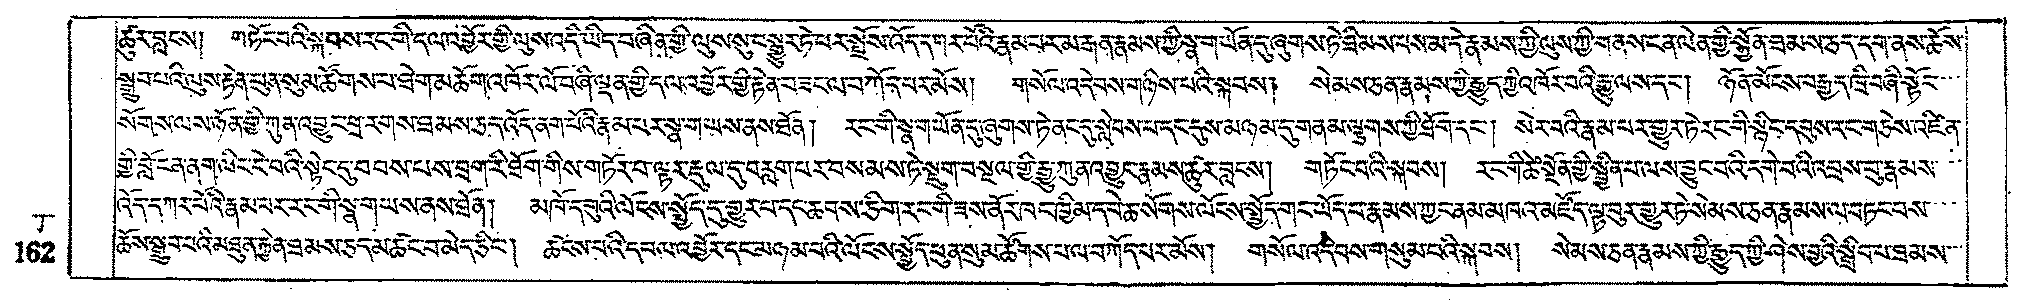ཚུར་བླངས། གཏོང་བའི་སྐབས་རང་གི་དལ་འབྱོར་གྱི་ལུས་འདི་ཡིད་བཞིན་གྱི་ལུས་སུ་བསྒྱུར་ཏེ་ཕར་སྤྲོས་འོད་དཀར་པོའི་རྣམ་པར་མ་རྒན་རྣམས་ཀྱི་སྣ་གཡོན་དུ་ཞུགས་ཏེ་ཐིམས་པས་མ་དེ་རྣམས་ཀྱི་ལུས་ཀྱི་གནས་ངན་ལེན་གྱི་སྐྱོན་ཐམས་ཅད་དག་ནས་ཆོས་
སྒྲུབ་པའི་ལུས་རྟེན་ཕུན་སུམ་ཚོགས་པ་ཐེག་མཆོག་འཁོར་ལོ་བཞི་ལྡན་གྱི་དལ་འབྱོར་གྱི་རྟེན་བཟང་ལ་བཀོད་པར་མོས། གསོལ་འདེབས་གཉིས་པའི་སྐབས། སེམས་ཅན་རྣམས་ཀྱི་རྒྱུད་ཀྱི་འཁོར་བའི་རྒྱུ་ལས་དང་། ཉོན་མོངས་བརྒྱད་ཁྲི་བཞི་སྟོང་་་
སོགས་ལས་ཉོན་གྱི་ཀུན་འབྱུང་ཕྲ་རགས་ཐམས་ཅད་འོད་ནག་པོའི་རྣམ་པར་སྣ་གཡས་ནས་ཐོན། རང་གི་སྣ་གཡོན་དུ་ཞུགས་ཏེ་ནང་དུ་སླེབས་པ་དང་དུས་མཉམ་དུ་གནམ་ལྕགས་ཀྱི་ཐོག་དང་། སེར་བའི་རྣམ་པར་གྱུར་ཏེ་རང་གི་སྙིང་དབུས་རང་གཅེས་འཛིན་
གྱི་བློ་ངན་ནག་ལིང་ངེ་བའི་སྟེང་དུ་བབས་པས་བྲག་རི་ཐོག་གིས་གཏོར་བ་ལྟར་རྡུལ་དུ་བརླག་པར་བསམས་ཏེ་སྡུག་བསྔལ་གྱི་རྒྱུ་ཀུན་འབྱུང་རྣམས་ཚུར་བླངས། གཏོང་བའི་སྐབས། རང་གི་ཚེ་སྔོན་གྱི་སྦྱིན་པ་ལས་བྱུང་བའི་དགེ་བའི་འབྲས་བུ་རྣམྶ་་་
འོད་དཀར་པོའི་རྣམ་པར་རང་གི་སྣ་གཡས་ནས་ཐོན། མཁོ་དགུའི་ལོངས་སྤྱོད་དུ་གྱུར་པ་དང་ཆབས་ཅིག་རང་གི་ཟས་ནོར་ཁང་ཁྱིམ་དཔེ་ཆ་སོགས་ལོངས་སྤྱོད་གང་ཡོད་པ་རྣམས་ཀྱང་ནམ་མཁའ་མཛོད་ལྟ་བུར་གྱུར་ཏེ་སེམས་ཅན་རྣམས་ལ་བཏང་བས་་་
ཆོས་སྒྲུབ་པའི་མཐུན་རྐྱེན་ཐམས་ཅད་མ་ཚང་བ་མེད་ཅིང་། ཚངས་པའི་དཔལ་འབྱོར་དང་མཉམ་པའི་ལོངས་སྤྱོད་ཕུན་སུམ་ཚོགས་པ་ལ་བཀོད་པར་མོས། གསོལ་འདེབས་གསུམ་པའི་སྐབས། སེམས་ཅན་རྣམས་ཀྱི་རྒྱུད་ཀྱི་ཤེས་བྱའི་སྒྲིབ་པ་ཐམྶ་་་